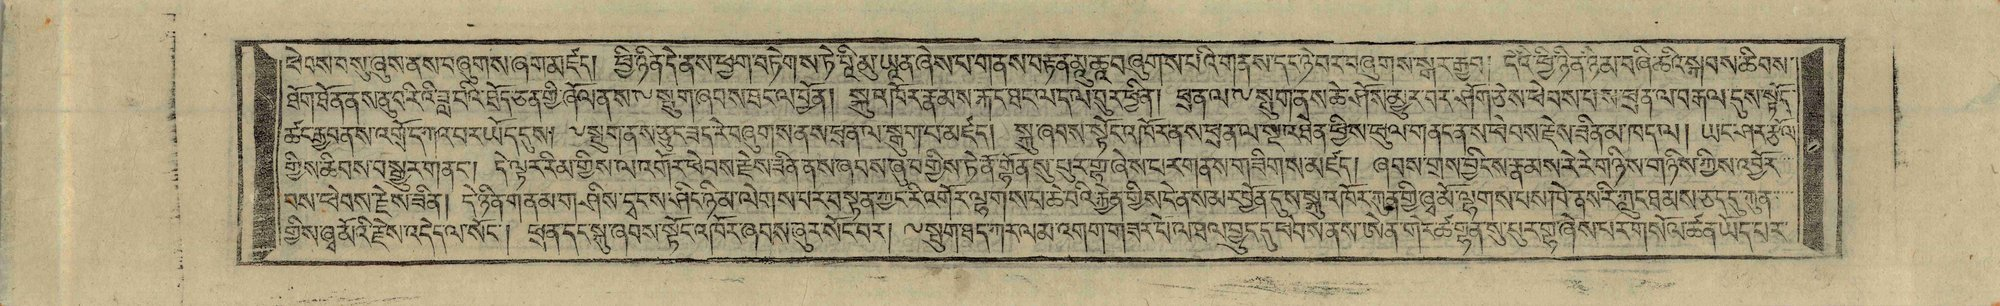ཕེབས་བསུ་ཞུས་ནས་བཞུགས་ཞག་མཛད། ཕྱི་ཉིན་དེ་ནས་ཕྱག་བཏེགས་ཏེ་པཱི་མུ་ཡཱན་ཞེས་པ་གནས་བརྟན་མཱུ་ཆཱ་བཞུགས་པའི་གནས་དང་ཉེ་བར་བཞུགས་སྒར་རྒྱབ། དེའི་ཕྱི་ཉིན་ཉི་མ་བཞི་ཆའི་སྐབས་ཆིབས་
ཐོག་ཐོན་ནས་ནུབ་རིའི་ཟླ་བའི་ཐོད་ཅན་གྱི་ཞོལ་ནས་༧སྤུག་ཞབས་ཐང་ལ་བྱོན། སྐུ་འཁོར་རྣམས་རྐང་ཐང་ལ་དལ་བུར་ཕྱིན། ཕྲན་ལ་༧སྤུག་ནས་ཆེ་ཤོས་མྱུར་བར་ཤོག་ཅེས་ཕེབས་པས་ཕྲན་ལ་བརྒལ་དུས་སྟོད་
ཚང་རྒྱབ་ནས་འགྲོ་དཀའ་བར་ཡོད་དུས། ༧སྦུག་ནས་ཅུང་ཟད་རེ་བཞུགས་ནས་ཕྲན་ལ་སྒུག་པ་མཛད། སྐུ་ཞབས་སྟོང་འཁོར་ནས་ཕྲན་ལ་སྔ་འཐེན་ཕྱིས་ཕུལ་གནང་ནས་ཕེབས་རྗེས་ཟིན་མ་ཁད་ལ། ཡང་ཤར་རྩོལ་
གྱིས་ཆིབས་བསྒྱུར་གནང་། དེ་ལྟར་རིམ་གྱིས་ལ་འགོར་ཕེབས་རྗེས་ཟིན་ནས་ཞབས་ཞུ་བགྱིས་ཏེ་ནོ་གྷོན་སུ་པུར་གྷ་ཞེས་པར་གནས་གཟིགས་མཛད། ཞབས་གྲས་བྱིངས་རྣམས་རེ་རེ་གཉིས་གཉིས་ཀྱིས་འབྱོར་
བས་ཕེབས་རྗེས་ཟིན། དེ་ཉིན་གནམ་གཤིས་དྭངས་ཤིང་ཉི་མ་ལེགས་པར་བསྟན་ཀྱང་རི་འགོར་ལྷ་གས་བ་ཆེ་བའི་རྐྱེན་གྱིས་ངེ་ནས་མར་བྱོན་དུས་སྐུ་འཁོར་ཀུན་གྱི་ཞྭ་མོ་ལྷགས་པས་ཁེ་ནས་རི་ཀླུང་ཐམས་ཅད་དུ་ཀུན་
གྱིས་ཞྭ་མོའི་རྗེས་འདེད་ལ་སོང་། ཕྲན་དང་སྐུ་ཞབས་སྟོང་འཁོར་ཞབས་ཞུར་སོང་བར། ༧སྦུག་ཐད་ཀར་ལམ་འགག་གཟར་པོ་ལ་ཐལ་བྱུང་དུ་ཕེབས་ནས་ཨེན་གེར་ཚ་གྷན་སུ་པུར་གྷ་ཞེས་པར་གསོལ་ཚན་ཡོད་པར་